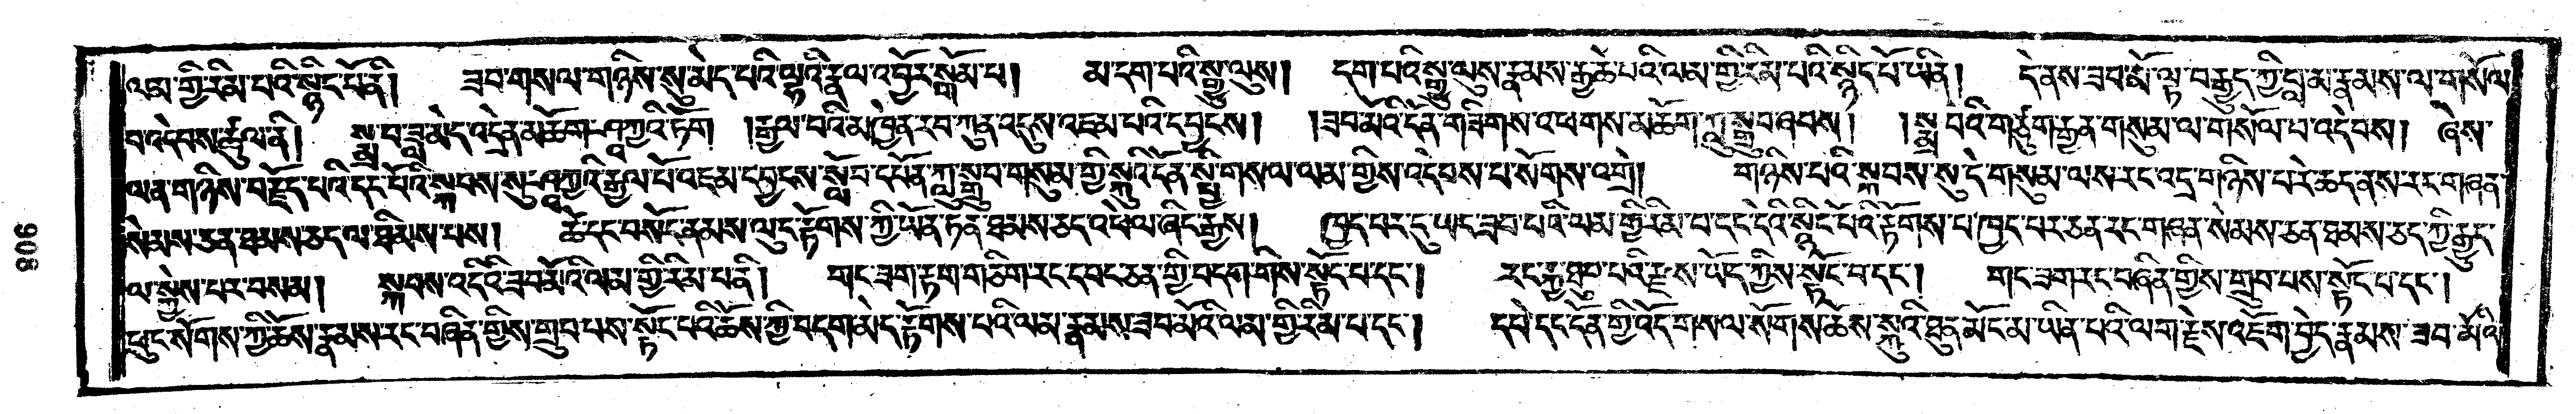ལམ་གྱི་རིམ་པའི་སྙིང་པོ་ནི། ཟབ་གསལ་གཉིས་སུ་མེད་པའི་ལྷའི་རྣལ་འབྱོར་སྒོམ་པ། མ་དག་པའི་སྒྱུ་ལུས། དག་པའི་སྒྱུ་ལུས་རྣམས་རྒྱ་ཆེ་བའི་ལམ་གྱི་རིམ་པའི་སྙིང་པོ་ཡིན། དེ་ནས་ཟབ་མོ་ལྟ་བརྒྱུད་ཀྱི་བླ་མ་རྣམས་ལ་གསོལ་
བ་འདེབས་ཚུལ་ནི། སྨྲ་བ་ཟླ་མེད་འདྲེན་མཆོག་ཤཱཀྱའི་ཏོག །རྒྱལ་བའི་མཁྱེན་རབ་ཀུན་འདུས་འཇམ་པའི་དབྱངས། །ཟབ་མོའི་དོན་གཟིགས་འཕགས་མཆོག་ཀླུ་སྒྲུབ་ཞབས། །སྨྲ་བའི་གཙུག་རྒྱན་གསུམ་ལ་གསོལ་བ་འདེབས། ཞེས་
ལན་གཉིས་བརྗོད་པའི་དང་པོའི་སྐབས་སུ་ཤཱཀྱའི་རྒྱལ་པོ་འཇམ་དབྱངས་སློབ་དཔོན་ཀླུ་སྒྲུབ་གསུམ་གྱི་སྐུའི་དོན་སྤྱི་གསལ་ལམ་གྱིས་འདེབས་པ་སོགས་འགྲེ། གཉིས་པའི་སྐབས་སུ་དེ་གསུམ་ལས་རང་འདྲ་གཉིས་པ་རེ་ཆད་ནས་རང་གཞན་
སེམས་ཅན་ཐམས་ཅད་ལ་ཐིམས་པས། ཚེ་དང་བསོད་ནམས་ལུང་རྟོགས་ཀྱི་ཡོན་ཏན་ཐམས་ཅད་འཕེལ་ཞིང་རྒྱས། ཁྱད་པར་དུ་ཡང་ཟབ་པའི་ལམ་གྱི་རིམ་པ་དང་དེའི་སྙིང་པོའི་རྟོགས་པ་ཁྱད་པར་ཅན་རང་གཞན་སེམས་ཅན་ཐམས་ཅད་ཀྱི་རྒྱུད་
ལ་སྐྱེས་པར་བསམ། སྐབས་འདིའི་ཟབ་མོའི་ལམ་གྱི་རིམ་པ་ནི། གང་ཟག་རྟག་གཅིག་རང་དབང་ཅན་གྱི་བདག་གིས་སྟོང་པ་དང་། རང་རྐྱ་ཐུབ་པའི་རྫས་ཡོད་ཀྱིས་སྟོང་བ་དང་། གང་ཟག་རང་བཞིན་གྱིས་གྲུབ་པས་སྟོང་པ་དང་།
ཕུང་སོགས་ཀྱི་ཆོས་རྣམས་རང་བཞིན་གྱིས་གྲུབ་པས་སྟོང་པའི་ཆོས་ཀྱི་བདག་མེད་རྟོགས་པའི་ལམ་རྣམས་ཟབ་མོའི་ལམ་གྱི་རིམ་པ་དང་། དཔེ་དང་དོན་གྱི་འོད་གསལ་སོགས་ཆོས་སྐུའི་ཐུན་མོང་མ་ཡིན་པའི་ལག་རྗེས་འཇོག་བྱེད་རྣམས་ཟབ་མོའི་